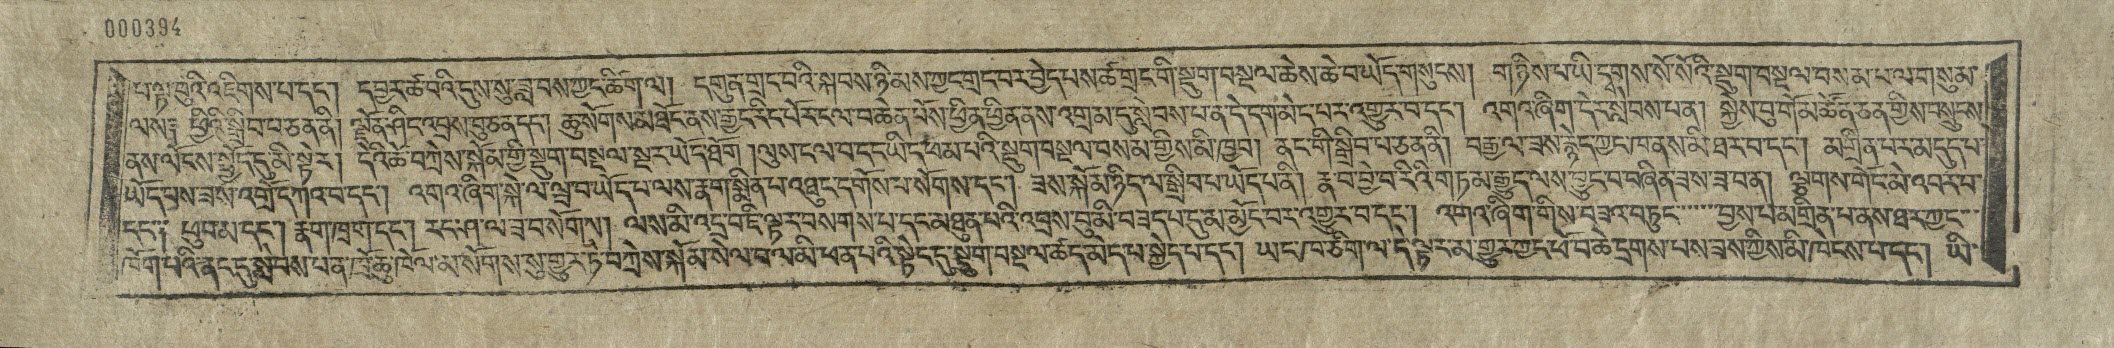པ་ལྟ་བུའི་འཇིགས་པ་དང་། དབྱར་ཚ་བའི་དུས་སུ་ཟླ་བས་ཀྱང་ཚིག་ལ། དགུན་གྲང་བའི་སྐབས་ཉི་མས་ཀྱང་གྲང་བར་བྱེད་པས་ཚ་གྲང་གི་སྡུག་བསྔལ་ཆེས་ཆེ་བ་ཡོད་གསུངས། གཉིས་པ་ཡིད་དྭགས་སོ་སོའི་སྡུག་བསྔལ་བསམ་པ་ལ་གསུམ་
ལས༑ ཕྱིའི་སྒྲིབ་པ་ཅན་ནི། ལྗོན་ཤིང་འབྲས་བུ་ཅན་དང་། ཆུ་སོགས་མཐོང་ནས་རྒྱང་རིང་པོར་ངལ་བ་ཆེན་པོས་ཕྱིན་ཕྱིན་ནས་འགྲམ་དུ་སླེབས་པ་ན་དེ་དག་མེད་པར་འགྱུར་བ་དང་། འགའ་ཞིག་དེར་སླེབས་པ་ན། སྐྱེས་བུ་གོ་མཚོན་ཅན་གྱིས་བསྲུངས་
ནས་ལོངས་སྤྱོད་དུ་མི་སྟེར། དེའི་ཚེ་བཀྲེས་སྐོམ་གྱི་སྡུག་བསྔལ་སྔར་ཡོད་ཐོག །ལུས་ངལ་བ་དང་ཡིད་ཕམ་པའི་སྡུག་བསྔལ་བསམ་གྱིས་མི་ཁྱབ། ནང་གི་སྒྲིབ་པ་ཅན་ནི། བརྒྱ་ལ་ཟས་རྙེད་ཀྱང་ཁ་ནས་མི་ཐར་བ་དང་། མགྲིན་པར་མདུད་པ་
ཡོད་པས་ཟས་འགྲོ་དཀའ་བ་དང་། འགའ་ཞིག་སྐེ་ལ་ལྦ་བ་ཡོད་པ་ལས་རྣག་སྨིན་པ་འཐུང་དགོས་པ་སོགས་དང་། ཟས་སྐོམ་ཉིད་ལ་སྒྲིབ་པ་ཡོད་པ་ནི། རྣ་བ་བྱེ་བ་རིའི་གཏམ་རྒྱུད་ལས་བྱུང་བ་བཞིན་ཟས་ཟ་བ་ན། ལྕགས་གོང་མེ་འབར་བ་
དང༑ ཕུབ་མ་དང་། རྣག་ཁྲག་དང་། རང་ཤ་ལ་ཟ་བ་སོགས། ལས་མི་འདྲ་བ་ཇི་ལྟར་བསགས་པ་དང་མཐུན་པའི་འབྲས་བུ་མི་བཟད་པ་དུ་མ་མྱོང་བར་འགྱུར་བ་དང་། འགའ་ཞིག་གིས་བཟའ་བཏུང་བྱས་པ་མགྲིན་པ་ནས་ཐར་ཀྱང་
ཁོག་པའི་ནང་དུ་སླེབས་པ་ན་ཁྲོ་ཆུ་ཁོལ་མ་སོགས་སུ་གྱུར་ཏེ་བཀྲེས་སྐོམ་སེལ་བ་ལ་མི་ཕན་པའི་སྟེང་དུ་སྡུག་བསྔལ་ཚད་མེད་པ་སྐྱེད་པ་དང་། ཡང་ཁ་ཅིག་ལ་དེ་ལྟར་མ་གྱུར་ཀྱང་ཕོ་བ་ཆེ་དྲགས་པས་ཟས་ཀྱིས་མི་ཁེངས་པ་དང་། ཡི་